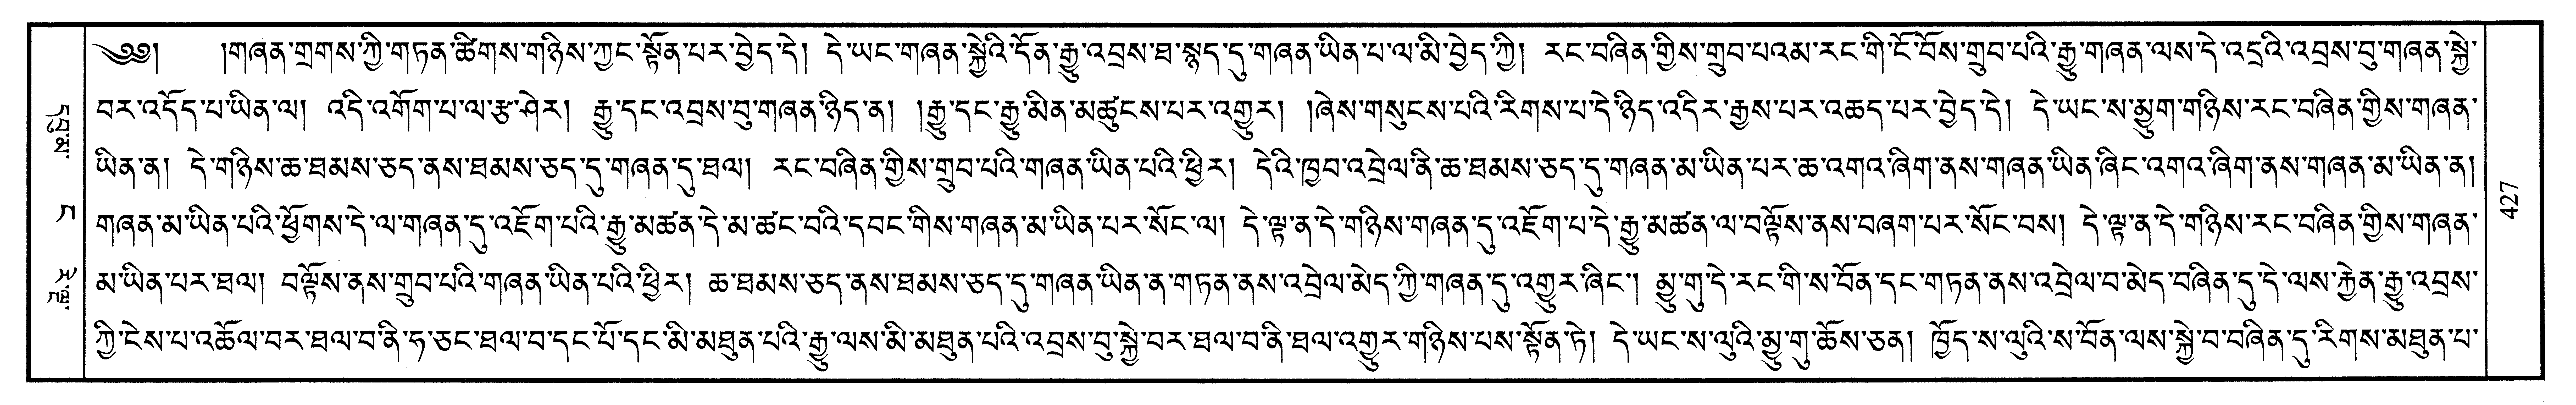༄༅། །གཞན་གྲགས་ཀྱི་གཏན་ཚིགས་གཉིས་ཀྱང་སྟོན་པར་བྱེད་དེ། དེ་ཡང་གཞན་སྐྱེའི་དོན་རྒྱུ་འབྲས་ཐ་སྙད་དུ་གཞན་ཡིན་པ་ལ་མི་བྱེད་ཀྱི། རང་བཞིན་གྱིས་གྲུབ་པའམ་རང་གི་ངོ་བོས་གྲུབ་པའི་རྒྱུ་གཞན་ལས་དེ་འདྲའི་འབྲས་བུ་གཞན་སྐྱེ་
བར་འདོད་པ་ཡིན་ལ། འདི་འགོག་པ་ལ་རྩ་ཤེར། རྒྱུ་དང་འབྲས་བུ་གཞན་ཉིད་ན། །རྒྱུ་དང་རྒྱུ་མིན་མཚུངས་པར་འགྱུར། །ཞེས་གསུངས་པའི་རིགས་པ་དེ་ཉིད་འདིར་རྒྱས་པར་འཆད་པར་བྱེད་དེ། དེ་ཡང་ས་མྱུག་གཉིས་རང་བཞིན་གྱིས་གཞན་
ཡིན་ན། དེ་གཉིས་ཆ་ཐམས་ཅད་ནས་ཐམས་ཅད་དུ་གཞན་དུ་ཐལ། རང་བཞིན་གྱིས་གྲུབ་པའི་གཞན་ཡིན་པའི་ཕྱིར། དེའི་ཁྱབ་འབྲེལ་ནི་ཆ་ཐམས་ཅད་དུ་གཞན་མ་ཡིན་པར་ཆ་འགའ་ཞིག་ནས་གཞན་ཡིན་ཞིང་འགའ་ཞིག་ནས་གཞན་མ་ཡིན་ན།
གཞན་མ་ཡིན་པའི་ཕྱོགས་དེ་ལ་གཞན་དུ་འཇོག་པའི་རྒྱུ་མཚན་དེ་མ་ཚང་བའི་དབང་གིས་གཞན་མ་ཡིན་པར་སོང་ལ། དེ་ལྟ་ན་དེ་གཉིས་གཞན་དུ་འཇོག་པ་དེ་རྒྱུ་མཚན་ལ་བལྟོས་ནས་བཞག་པར་སོང་བས། དེ་ལྟ་ན་དེ་གཉིས་རང་བཞིན་གྱིས་གཞན་
མ་ཡིན་པར་ཐལ། བལྟོས་ནས་གྲུབ་པའི་གཞན་ཡིན་པའི་ཕྱིར། ཆ་ཐམས་ཅད་ནས་ཐམས་ཅད་དུ་གཞན་ཡིན་ན་གཏན་ནས་འབྲེལ་མེད་ཀྱི་གཞན་དུ་འགྱུར་ཞིང་། མྱུ་གུ་དེ་རང་གི་ས་བོན་དང་གཏན་ནས་འབྲེལ་བ་མེད་བཞིན་དུ་དེ་ལས་རྐྱེན་རྒྱུ་འབྲས་
ཀྱི་ངེས་པ་འཆོལ་བར་ཐལ་བ་ནི་ཧ་ཅང་ཐལ་བ་དང་པོ་དང་མི་མཐུན་པའི་རྒྱུ་ལས་མི་མཐུན་པའི་འབྲས་བུ་སྐྱེ་བར་ཐལ་བ་ནི་ཐལ་འགྱུར་གཉིས་པས་སྟོན་ཏེ། དེ་ཡང་ས་ལུའི་མྱུ་གུ་ཆོས་ཅན། ཁྱོད་ས་ལུའི་ས་བོན་ལས་སྐྱེ་བ་བཞིན་དུ་རིགས་མཐུན་པ་